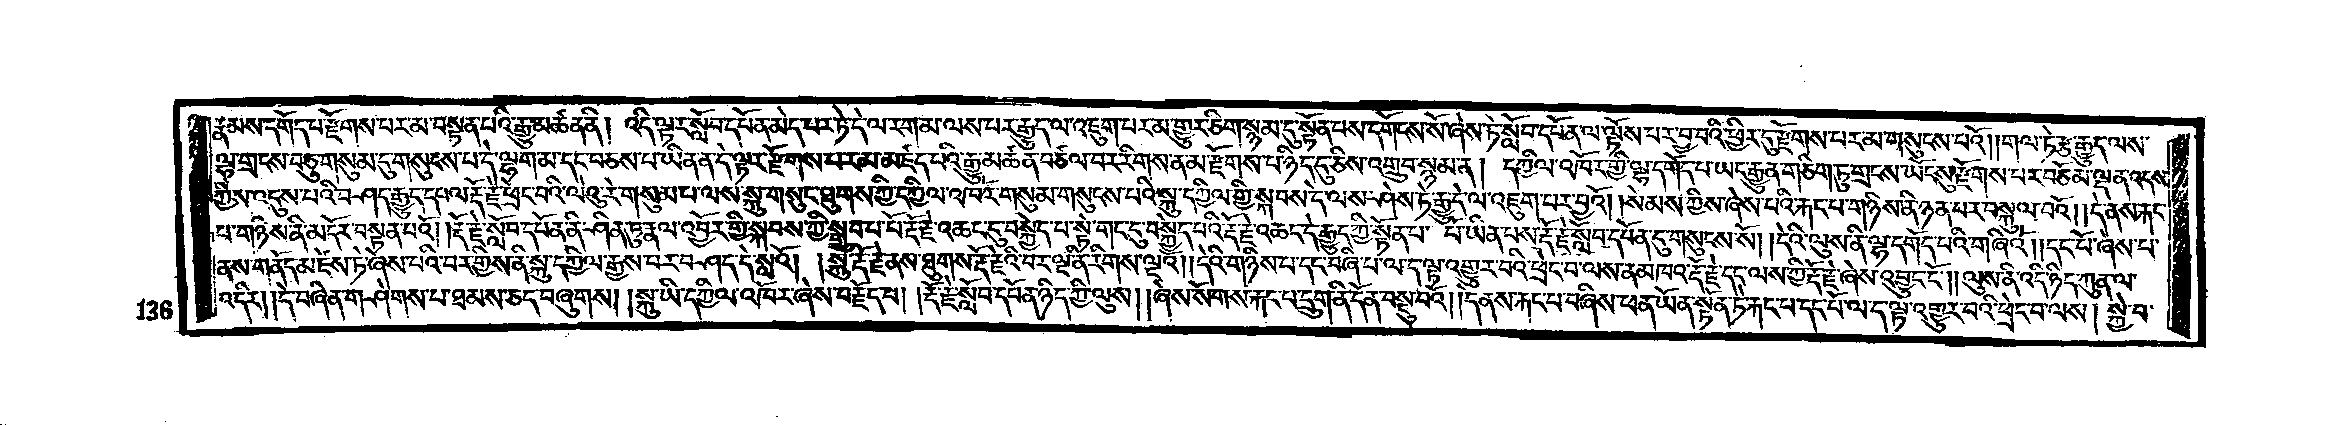རྣམས་དགོད་པ་རྫོགས་པར་མ་བསྟན་པའི་རྒྱུ་མཚན་ནི། འདི་ལྟར་སློབ་དཔོན་མེད་པར་ཏེ་དེ་ལ་རག་མ་ལས་པར་རྒྱུད་ལ་འཇུག་པར་མ་གྱུར་ཅིག་སྙམ་དུ་སྟོན་པས་དགོངས་སོ་ཞེས་ཏེ་སློབ་དཔོན་ལ་ལྟོས་པར་བྱ་བའི་ཕྱིར་དུ་རྫོགས་པར་མ་གསུངས་པའོ། །གལ་ཏེ་རྩ་རྒྱུད་ལས་
ལྷ་གྲངས་བཅུ་གསུམ་དུ་གསུངས་པ་དེ་ལྷག་མ་དང་བཅས་པ་ཡིན་ན་དེ་ལྟར་རྫོགས་པར་མ་མཛད་པའི་རྒྱུ་མཚན་བཙལ་བར་རིགས་ན་མ་རྫོགས་པ་ཉིད་དུ་ཅིས་འགྲུབ་སྙམ་ན། དཀྱིལ་འཁོར་གྱི་ལྷ་དགོད་པ་ཡང་རྒྱུན་གཅིག་ཏུ་གྲངས་ཡོངས་སུ་རྫོགས་པར་བཅོམ་ལྡན་འདས་
ཀྱིས་འདུས་པའི་བཤད་རྒྱུད་དཔལ་རྡོ་རྗེ་ཕྲེང་བའི་ལེའུ་རེ་གསུམ་པ་ལས་སྐུ་གསུང་ཐུགས་ཀྱི་དཀྱིལ་འཁོར་གསུམ་གསུངས་པའི་སྐུ་དཀྱིལ་གྱི་སྐབས་དེ་ལས་ཤེས་ཏེ་རྒྱུ་དེ་ལ་འཇུག་པར་བྱའོ། །སེམས་ཀྱིས་ཞེས་པའི་རྐང་པ་གཉིས་ནི་ཉན་པར་བསྐུལ་བའོ། །དེ་ནས་རྐང་
པ་གཉིས་ནི་མདོར་བསྟན་པའོ། །རྡོ་རྗེ་སློབ་དཔོན་ནི་ཤིན་ཏུ་རྣལ་འབྱོར་གྱི་སྐབས་ཀྱི་སྒྲུབ་པ་པོ་རྡོ་རྗེ་འཆང་དུ་བསྐྱེད་པ་སྟེ་གང་དུ་བསྐྱེད་པའི་རྡོ་རྗེ་འཆང་དེ་རྒྱུད་ཀྱི་སྟོན་པ་པོ་ཡིན་པས་རྡོ་རྗེ་སློབ་དཔོན་དུ་གསུངས་སོ། །དེའི་ལུས་ནི་ལྷ་དགོད་པའི་གཞིའོ། །དང་པོ་ཞེས་པ་
ནས་གནོད་མཛེས་ཏེ་ཞེས་པའི་བར་གྱིས་ནི་སྐུ་དཀྱིལ་རྒྱས་པར་བཤད་དེ་སླའོ། །སྐུ་རྡོ་རྗེ་ནས་ཐུགས་རྡོ་རྗེའི་བར་ལྔ་ནི་རིགས་ལྔའོ། །དེའི་གཉིས་པ་དང་བཞི་པ་ལ་ད་ལྟ་འགྱུར་བའི་ཕྲེང་བ་ལས་ནམ་མཁའ་རྡོ་རྗེ་དང་ལས་ཀྱི་རྡོ་རྗེ་ཞེས་འབྱུང་ངོ། །ལུས་ནི་འདི་ཉིད་ཀུན་ལ་
འདིར། །དེ་བཞིན་གཤེགས་པ་ཐམས་ཅད་བཞུགས། །སྐུ་ཡི་དཀྱིལ་འཁོར་ཞེས་བརྗོད་པ། །རྡོ་རྗེ་སློབ་དཔོན་ཉིད་ཀྱི་ལུས། །ཞེས་སོགས་རྐང་པ་དྲུག་ནི་དོན་བསྡུ་བའོ། །དེ་ནས་རྐང་པ་བཞིས་ཕན་ཡོན་སྟོན་ཏེ་རྐང་པ་དང་པོ་ལ་ད་ལྟ་འགྱུར་བའི་ཕྲེང་བ་ལས། སྐྱེ་བ་